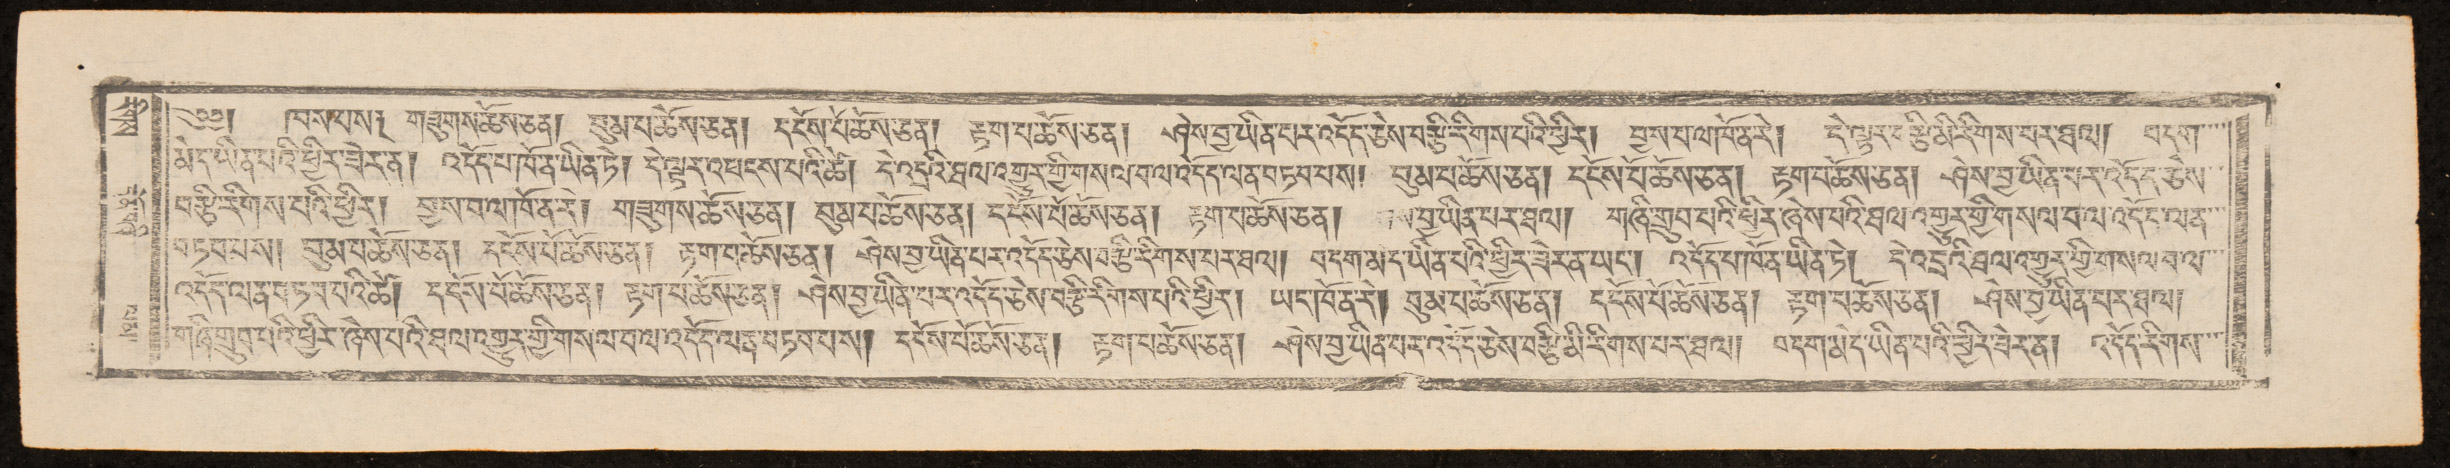༄༅། །བས་པས། གཟུགས་ཆོས་ཅན། བུམ་པ་ཆོས་ཅན། དངོས་པོ་ཆོས་ཅན། རྟག་པ་ཆོས་ཅན། ཤེས་བྱ་ཡིན་པར་འདོད་ཅེས་བརྩི་རིགས་པའི་ཕྱིར། བྱས་པ་ལ་ཁོ་ན་རེ། དེ་ལྟར་བརྩི་མི་རིགས་པར་ཐལ། བདག་
མེད་ཡིན་པའི་ཕྱིར་ཟེར་ན། འདོད་པ་ཁོ་ན་ཡིན་ཏེ། དེ་ལྟར་འཕངས་པའི་ཚེ། དེ་འདྲའི་ཐལ་འགྱུར་གྱི་གསལ་བ་ལ་འདོད་ལན་བཏབ་པས། བུམ་པ་ཆོས་ཅན། དངོས་པོ་ཆོས་ཅན། རྟག་པ་ཆོས་ཅན། ཤེས་བྱ་ཡིན་པར་འདོད་ཅེས་
བརྩི་རིགས་པའི་ཕྱིར། བྱས་པ་ལ་ཁོ་ན་རེ། གཟུགས་ཆོས་ཅན། བུམ་པ་ཆོས་ཅན། དངོས་པོ་ཆོས་ཅན། རྟག་པ་ཆོས་ཅན། ཤེས་བྱ་ཡིན་པར་ཐལ། གཞི་གྲུབ་པའི་ཕྱིར་ཞེས་པའི་ཐལ་འགྱུར་གྱི་གསལ་བ་ལ་འདོད་ལན་
བཏབ་པས། བུམ་པ་ཆོས་ཅན། དངོས་པོ་ཆོས་ཅན། རྟག་པ་ཆོས་ཅན། ཤེས་བྱ་ཡིན་པར་འདོད་ཅེས་བརྩི་རིགས་པར་ཐལ། བདག་མེད་ཡིན་པའི་ཕྱིར་ཟེར་ན་ཡང་། འདོད་པ་ཁོ་ན་ཡིན་ཏེ། དེ་འདྲའི་ཐལ་འགྱུར་གྱི་གསལ་བ་ལ་
འདོད་ལན་བཏབ་པའི་ཚེ། དངོས་པོ་ཆོས་ཅན། རྟག་པ་ཆོས་ཅན། ཤེས་བྱ་ཡིན་པར་འདོད་ཅེས་བརྩི་རིགས་པའི་ཕྱིར། ཡང་ཁོ་ན་རེ། བུམ་པ་ཆོས་ཅན། དངོས་པོ་ཆོས་ཅན། རྟག་པ་ཆོས་ཅན། ཤེས་བྱ་ཡིན་པར་ཐལ།
གཞི་གྲུབ་པའི་ཕྱིར་ཞེས་པའི་ཐལ་འགྱུར་གྱི་གསལ་བ་ལ་འདོད་ལན་བཏབ་པས། དངོས་པོ་ཆོས་ཅན། རྟག་པ་ཆོས་ཅན། ཤེས་བྱ་ཡིན་པར་འདོད་ཅེས་བརྩི་མི་རིགས་པར་ཐལ། བདག་མེད་ཡིན་པའི་ཕྱིར་ཟེར་ན། འདོད་རིགས་